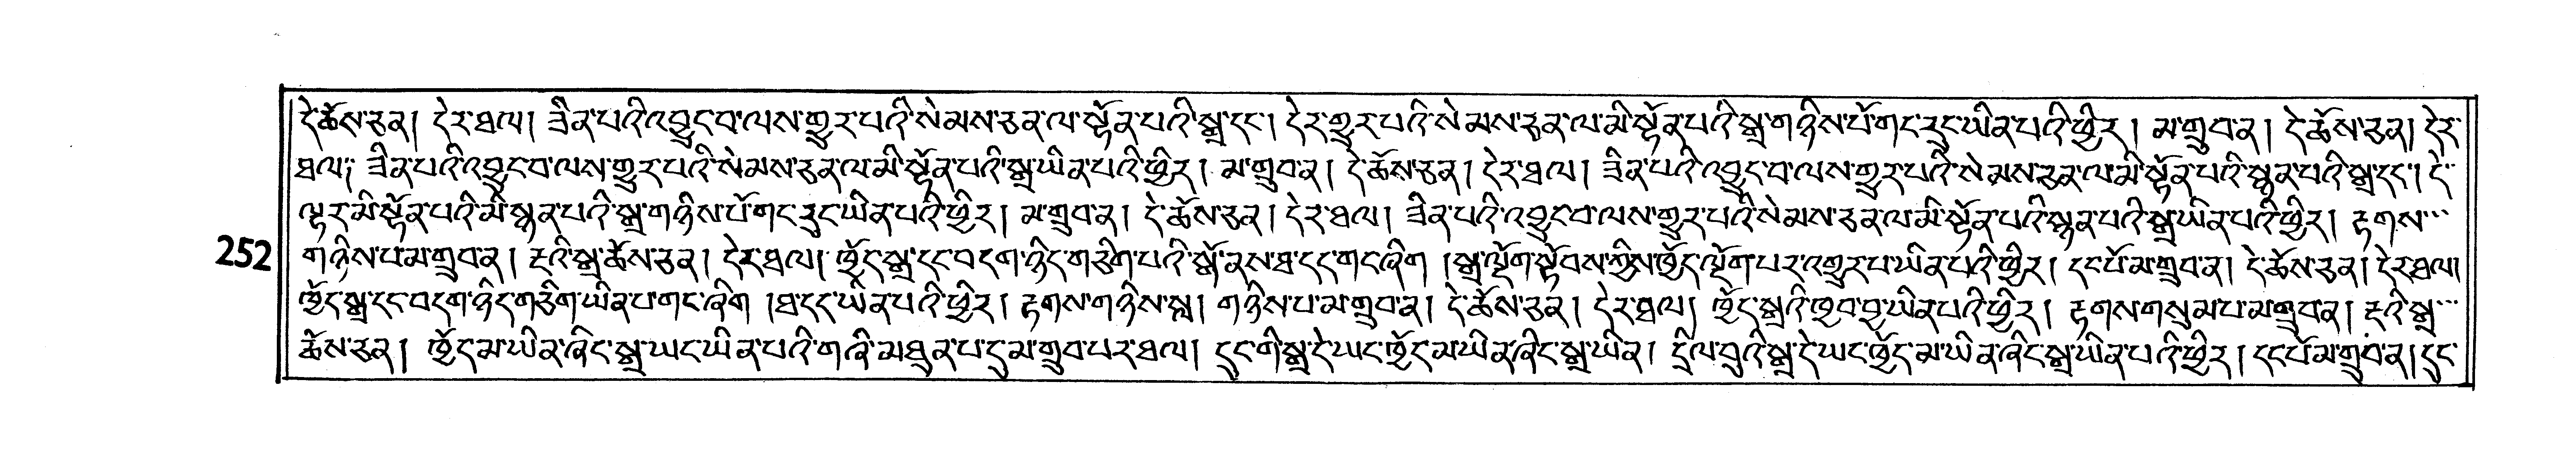དེ་ཆོས་ཅན། དེར་ཐལ། ཟིན་པའི་འབྱུང་བ་ལས་གྱུར་པའི་སེམས་ཅན་ལ་སྟོན་པའི་སྒྲ་དང་། དེར་གྱུར་པའི་སེམས་ཅན་ལ་མི་སྟོན་པའི་སྒྲ་གཉིས་པོ་གང་རུང་ཡིན་པའི་ཕྱིར། མ་གྲུབ་ན། དེ་ཆོས་ཅན། དེར་
ཐལ༑ ཟིན་པའི་འབྱུང་བ་ལས་གྱུར་པའི་སེམས་ཅན་ལ་མི་སྟོན་པའི་སྒྲ་ཡིན་པའི་ཕྱིར། མ་གྲུབ་ན། དེ་ཆོས་ཅན། དེར་ཐལ། ཟིན་པའི་འབྱུང་བ་ལས་གྱུར་པའི་སེམས་ཅན་ལ་མི་སྟོན་པའི་སྙན་པའི་སྒྲ་དང་། དེ་
ལྟར་མི་སྟོན་པའི་མི་སྙན་པའི་སྒྲ་གཉིས་པོ་གང་རུང་ཡིན་པའི་ཕྱིར། མ་གྲུབ་ན། དེ་ཆོས་ཅན། དེར་ཐལ། ཟིན་པའི་འབྱུང་བ་ལས་གྱུར་པའི་སེམས་ཅན་ལ་མི་སྟོན་པའི་སྙན་པའི་སྒྲ་ཡིན་པའི་ཕྱིར། རྟགས་
གཉིས་པ་མ་གྲུབ་ན། རྔའི་སྒྲ་ཆོས་ཅན། དེར་ཐལ། ཁྱོད་སྒྲ་དང་བདག་ཉིད་གཅིག་པའི་སྒོ་ནས་ཐ་དད་གང་ཞིག །སྒྲ་ལྡོག་སྟོབས་ཀྱིས་ཁྱོད་ལྡོག་པར་འགྱུར་བ་ཡིན་པའི་ཕྱིར། དང་པོ་མ་གྲུབ་ན། དེ་ཆོས་ཅན། དེར་ཐལ།
ཁྱོད་སྒྲ་དང་བདག་ཉིད་གཅིག་ཡིན་པ་གང་ཞིག །ཐ་དད་ཡིན་པའི་ཕྱིར། རྟགས་གཉིས་སླ། གཉིས་པ་མ་གྲུབ་ན། དེ་ཆོས་ཅན། དེར་ཐལ། ཁྱོད་སྒྲའི་ཁྱབ་བྱ་ཡིན་པའི་ཕྱིར། རྟགས་གསུམ་པ་མ་གྲུབ་ན། རྔའི་སྒྲ་
ཆོས་ཅན། ཁྱོད་མ་ཡིན་ཞིང་སྒྲ་ཡང་ཡིན་པའི་གཞི་མཐུན་པ་དུ་མ་གྲུབ་པར་ཐལ། དུང་གི་སྒྲ་དེ་ཡང་ཁྱོད་མ་ཡིན་ཞིང་སྒྲ་ཡིན་པའི་ཕྱིར། དང་པོ་མ་གྲུབ་ན། དུང་